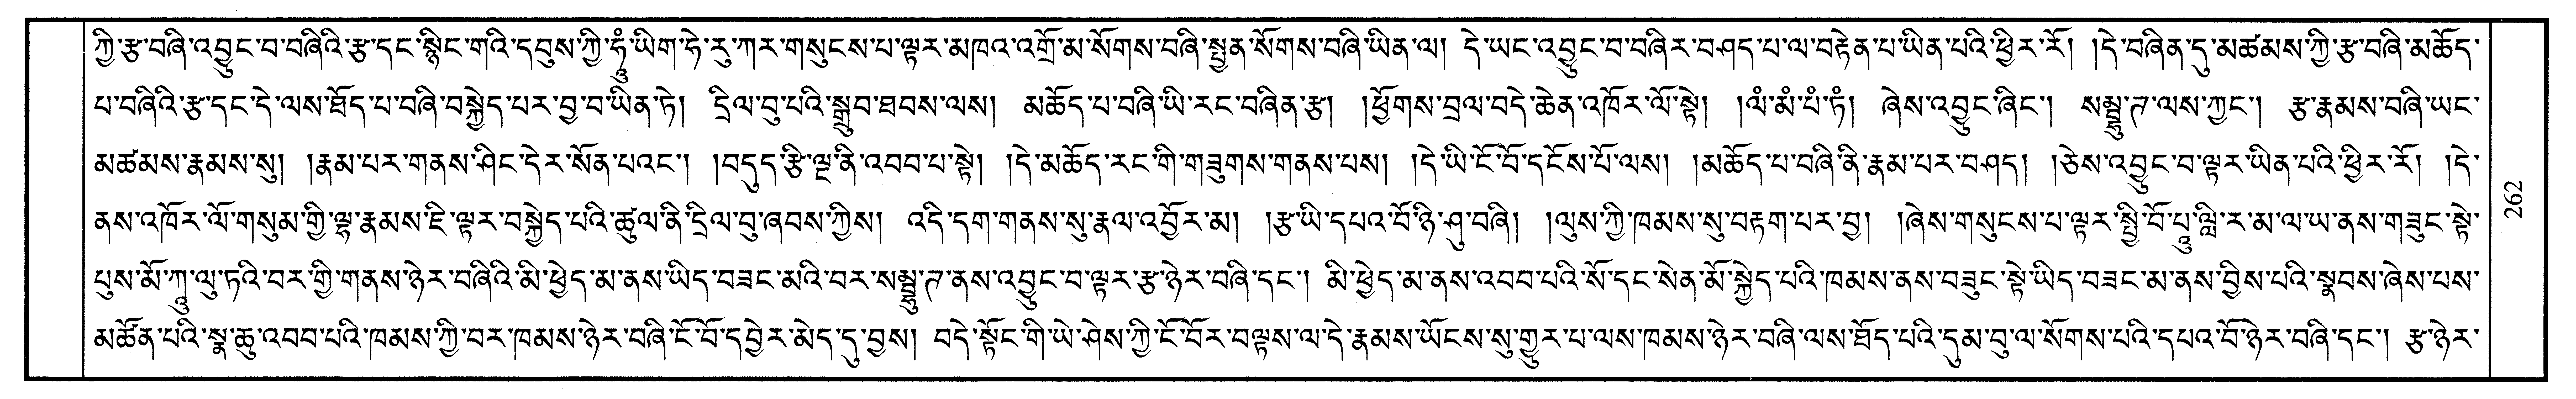ཀྱི་རྩ་བཞི་འབྱུང་བ་བཞིའི་རྩ་དང་སྙིང་གའི་དབུས་ཀྱི་ཧཱུཾ་ཡིག་ཧེ་རུ་ཀར་གསུངས་པ་ལྟར་མཁའ་འགྲོ་མ་སོགས་བཞི་སྤྱན་སོགས་བཞི་ཡིན་ལ། དེ་ཡང་འབྱུང་བ་བཞིར་བཤད་པ་ལ་བརྟེན་པ་ཡིན་པའི་ཕྱིར་རོ། །དེ་བཞིན་དུ་མཚམས་ཀྱི་རྩ་བཞི་མཆོད་
པ་བཞིའི་རྩ་དང་དེ་ལས་ཐོད་པ་བཞི་བསྐྱེད་པར་བྱ་བ་ཡིན་ཏེ། དྲིལ་བུ་པའི་སྒྲུབ་ཐབས་ལས། མཆོད་པ་བཞི་ཡི་རང་བཞིན་རྩ། །ཕྱོགས་བྲལ་བདེ་ཆེན་འཁོར་ལོ་སྟེ། །ལཾ་མཾ་པཾ་ཏཾ། ཞེས་འབྱུང་ཞིང་། སམྦྷུ་ཊ་ལས་ཀྱང་། རྩ་རྣམས་བཞི་ཡང་
མཚམས་རྣམས་སུ། །རྣམ་པར་གནས་ཤིང་དེར་སོན་པའང་། །བདུད་རྩི་ལྔ་ནི་འབབ་པ་སྟེ། །དེ་མཆོད་རང་གི་གཟུགས་གནས་པས། །དེ་ཡི་ངོ་བོ་དངོས་པོ་ལས། །མཆོད་པ་བཞི་ནི་རྣམ་པར་བཤད། །ཅེས་འབྱུང་བ་ལྟར་ཡིན་པའི་ཕྱིར་རོ། །དེ་
ནས་འཁོར་ལོ་གསུམ་གྱི་ལྷ་རྣམས་ཇི་ལྟར་བསྐྱེད་པའི་ཚུལ་ནི་དྲིལ་བུ་ཞབས་ཀྱིས། འདི་དག་གནས་སུ་རྣལ་འབྱོར་མ། །རྩ་ཡི་དཔའ་བོ་ཉི་ཤུ་བཞི། །ལུས་ཀྱི་ཁམས་སུ་བརྟག་པར་བྱ། །ཞེས་གསུངས་པ་ལྟར་སྤྱི་བོ་པཱུ་ལླི་ར་མ་ལ་ཡ་ནས་གཟུང་སྟེ་
པུས་མོ་ཀཱུ་ལུ་ཏའི་བར་གྱི་གནས་ཉེར་བཞིའི་མི་ཕྱེད་མ་ནས་ཡིད་བཟང་མའི་བར་སམྦྷུ་ཊ་ནས་འབྱུང་བ་ལྟར་རྩ་ཉེར་བཞི་དང་། མི་ཕྱེད་མ་ནས་འབབ་པའི་སོ་དང་སེན་མོ་སྐྱེད་པའི་ཁམས་ནས་བཟུང་སྟེ་ཡིད་བཟང་མ་ནས་བྱིས་པའི་སྣབས་ཞེས་པས་
མཚོན་པའི་སྣ་ཆུ་འབབ་པའི་ཁམས་ཀྱི་བར་ཁམས་ཉེར་བཞི་ངོ་བོ་དབྱེར་མེད་དུ་བྱས། བདེ་སྟོང་གི་ཡེ་ཤེས་ཀྱི་ངོ་བོར་བལྟས་ལ་དེ་རྣམས་ཡོངས་སུ་གྱུར་པ་ལས་ཁམས་ཉེར་བཞི་ལས་ཐོད་པའི་དུམ་བུ་ལ་སོགས་པའི་དཔའ་བོ་ཉེར་བཞི་དང་། རྩ་ཉེར་